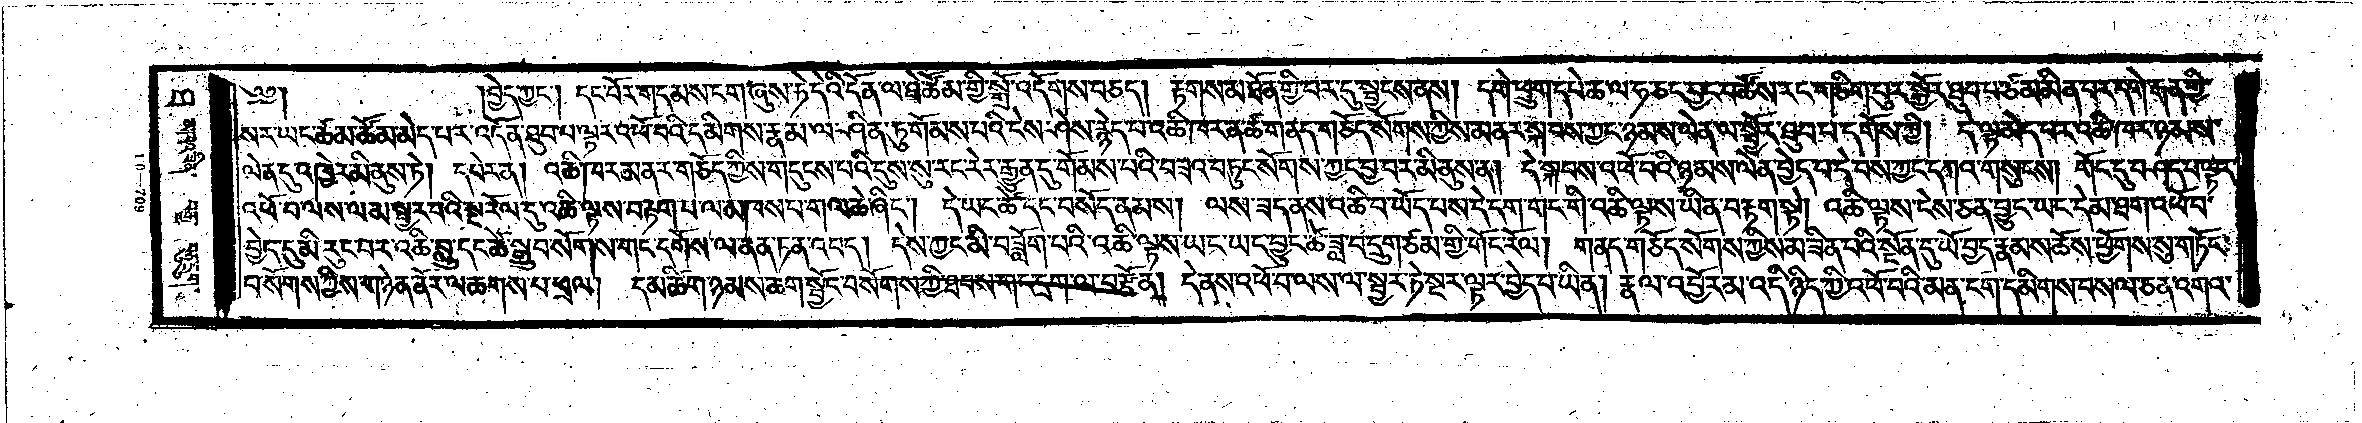༄༅། །བྱེད་ཀྱང་། དང་པོར་གདམས་ངག་ཞུས་ཏེ་དེའི་དོན་ལ་ཐེ་ཚོམ་གྱི་སྒྲོ་འདོགས་བཅད། རྟགས་མ་ཐོན་གྱི་བར་དུ་སྦྱངས་ནས། དགེ་ཕྲུག་དཔེ་ཆ་ལ་ཧ་ཅང་བྱང་བ་ཚོས་རང་གཅིག་བུར་སྐྱོར་ཐུབ་པ་ཙམ་མིན་པར་དགེ་རྒན་གྱི་
སར་ཡང་ཚམ་ཚོམ་མེད་པར་འདོན་ཐུབ་པ་ལྟར་འཕོ་བའི་དམིགས་རྣམ་ལ་ཤིན་ཏུ་གོམས་པའི་ངེས་ཤེས་རྙེད་པ་འཆི་ཁར་ན་ཚ་གནད་གཅོད་སོགས་ཀྱིས་མནར་སྐབས་ཀྱང་ཉམས་ལེན་ལ་སྦྱོར་ཐུབ་པ་དགོས་ཀྱི། དེ་ལྟ་མེད་པར་འཆི་ཁར་ཉམས་
ལེན་དུ་འཁྱེར་མི་ནུས་ཏེ། དཔེར་ན། འཆི་ཁར་མནར་གཅོད་ཀྱིས་གདུངས་པའི་དུས་སུ་རང་རེར་རྒྱུན་དུ་གོམས་པའི་བཟའ་བཏུང་སོགས་ཀྱང་བྱ་བར་མི་ནུས་ན། དེ་སྐབས་འཕོ་བའི་ཉམས་ལེན་བྱེད་པ་དེ་བས་ཀྱང་དཀའ་གསུངས། གོང་དུ་བཤད་པ་ལྟར་
འཕོ་བ་ལས་ལ་མ་སྦྱར་བའི་སྔ་རོལ་དུ་འཆི་ལྟས་བརྟག་པ་ལ་མཁས་པ་གལ་ཆེ་ཞིང་། དེ་ཡང་ཚེ་དང་བསོད་ནམས། ལས་ཟད་ནས་འཆི་བ་ཡོད་པས་དེ་དག་གང་གི་འཆི་ལྟས་ཡིན་བརྟག་སྟེ། འཆི་ལྟས་ངེས་ཅན་བྱུང་ཡང་དེ་མ་ཐག་འཕོ་བ་
བྱེད་དུ་མི་རུང་བར་འཆི་བླུ་དང་ཚེ་སྒྲུབ་སོགས་གང་དགོས་ལ་ནན་ཏན་འབད། དེས་ཀྱང་མི་བཟློག་པའི་འཆི་ལྟས་ཡང་ཡང་བྱུང་ཚེ་ཟླ་བ་དྲུག་ཙམ་གྱི་གོང་རོལ། གནད་གཅོད་སོགས་ཀྱིས་མ་ཟིན་པའི་སྔོན་དུ་ཡོ་བྱད་རྣམས་ཆོས་ཕྱོགས་སུ་གཏོང་
བ་སོགས་ཀྱིས་གཉེན་ནོར་ལ་ཆགས་པ་ཕྲལ། དམ་ཚིག་ཉམས་ཆག་སྦྱོང་བ་སོགས་ཀྱི་ཐབས་གང་དྲག་ལ་བརྩོན། དེ་ནས་འཕོ་བ་ལས་ལ་སྦྱར་ཏེ་སྔར་ལྟར་བྱེད་པ་ཡིན། རྣལ་འབྱོར་མ་འདི་ཉིད་ཀྱི་འཕོ་བའི་མན་ངག་དམིགས་བསལ་ཅན་འགའ་